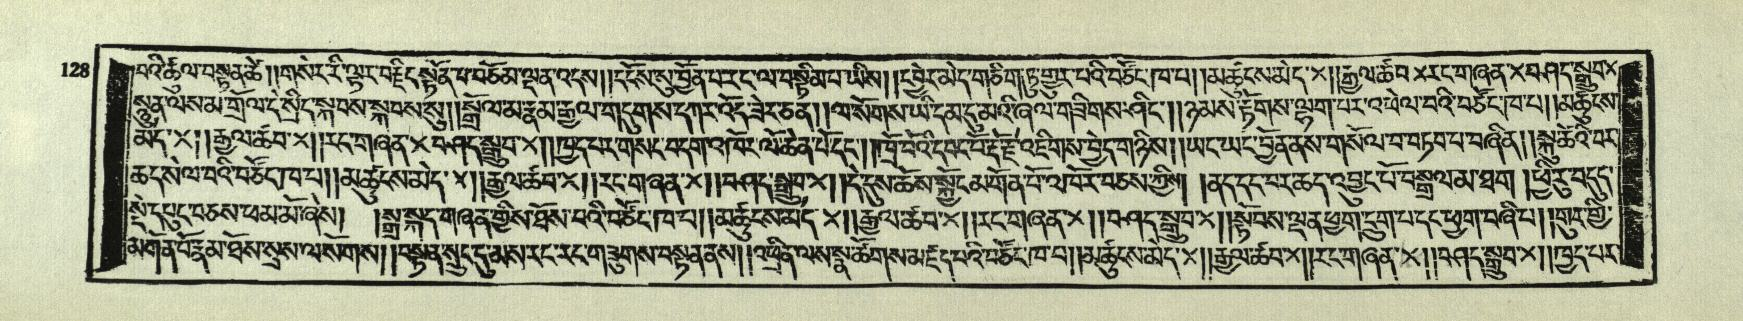བའི་ཚུལ་བསྟན་ཚེ། །གསེར་རི་ལྟར་བརྗིང་སྟོན་པ་བཅོམ་ལྡན་འདས། །དངོས་སུ་བྱོན་པ་རང་ལ་བསྟིམ་པ་ཡིས། །དབྱེར་མེད་གཅིག་ཏུ་གྱུར་པའི་བཙོང་ཁ་པ། །མཚུངས་མེད་྾། །རྒྱལ་ཚབ་྾་རང་གཞན་྾་བཤད་སྒྲུབ་྾་
སྙུན་ལས་མ་གྲོལ་དེ་སྲིད་སྐབས་སྐབས་སུ། །སྒྲོལ་མ་རྣམ་རྒྱལ་གདུགས་དཀར་འོད་ཟེར་ཅན། །ལ་སོགས་ཡི་དམ་དུ་མའི་ཞལ་གཟིགས་ཤིང་། །ཉམས་རྟོགས་ལྷག་པར་འཕེལ་བའི་བཙོང་ཁ་པ། །མཚུངས་
མེད་྾། །རྒྱལ་ཚབ་྾། །རང་གཞན་྾་བཤད་སྒྲུབ་྾། །ཁྱད་པར་གསང་བདག་འཁོར་ལོ་ཆེན་པོ་དང་། །ཁྲོ་བོའི་དབང་པོ་རྡོ་རྗེ་འཇིགས་བྱེད་གཉིས། །ཡང་ཡང་བྱོན་ནས་གསོལ་བ་བཏབ་པ་བཞིན། །སྐུ་ཚེའི་བར་
ཆད་སེལ་བའི་བཙོང་ཁ་པ། །མཚུངས་མེད་྾། །རྒྱལ་ཚབ་྾། །རང་གཞན་྾། །བཤད་སྒྲུབ་྾། །དེ་དུས་ཆོས་སྐྱོང་མགོན་པོ་འཁོར་བཅས་ཀྱིས། །ནད་དང་བར་ཆད་འབྱུང་པོ་བསྒྲལ་མ་ཐག །ཕྱི་རུ་བདུད་
སྡེ་དཔུང་བཅས་ཕམ་མོ་ཞེས། །སྒྲ་སྐད་གཞན་གྱིས་ཐོས་པའི་བཙོང་ཁ་པ། །མཚུངས་མེད་྾། །རྒྱལ་ཚབ་྾། །རང་གཞན་྾། །བཤད་སྒྲུབ་྾། །སྟོབས་ལྡན་ཕྱག་དྲུག་པ་དང་ཕྱག་བཞི་པ། །གུར་གྱི་
མགོན་པོ་རྣམ་ཐོས་སྲས་ལ་སོགས། །བསྟན་སྲུང་དུ་མས་རང་རང་གཟུགས་བསྟན་ནས། །འཕྲིན་ལས་སྣ་ཚོགས་མཛད་པའི་བཙོང་ཁ་པ། །མཚུངས་མེད་྾། །རྒྱལ་ཚབ་྾། །རང་གཞན་྾། །བཤད་སྒྲུབ་྾། །ཁྱད་པར་